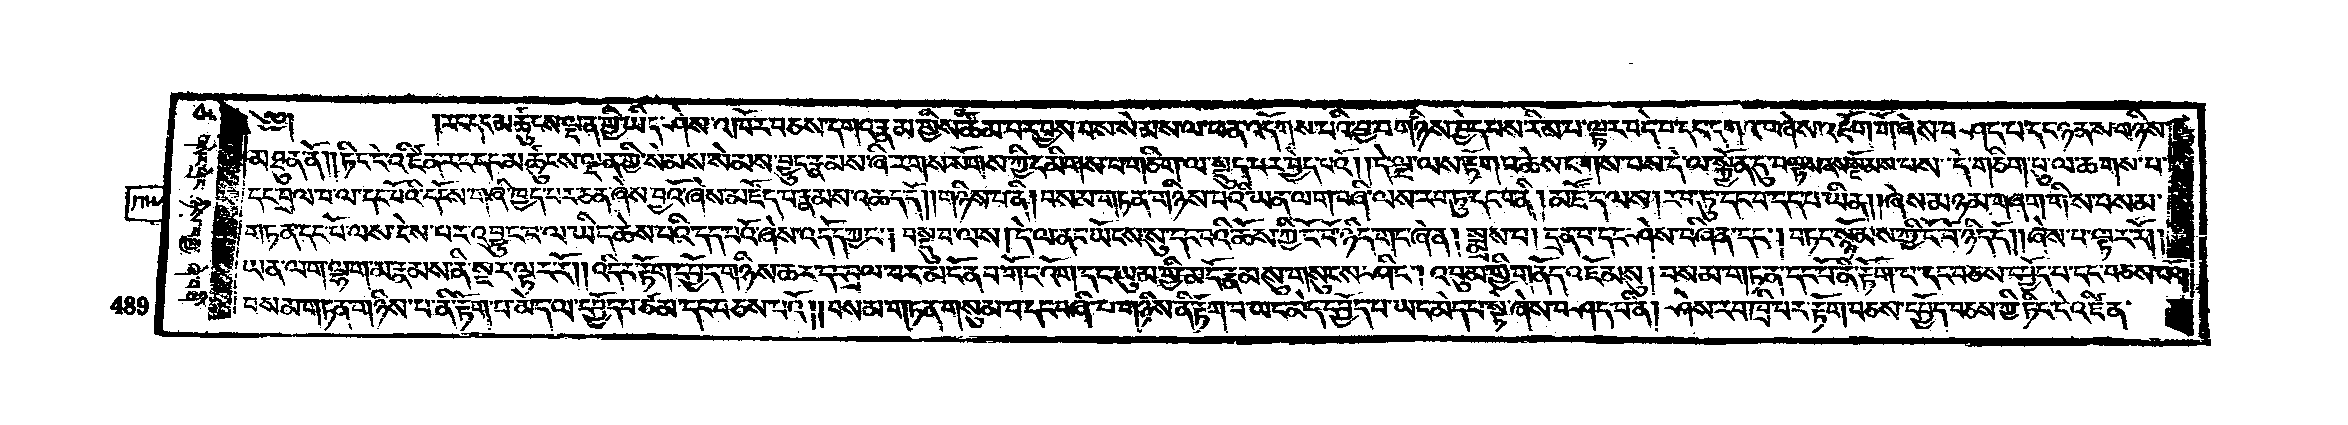༄༅། །རང་དང་མཚུངས་ལྡན་གྱི་ཡིད་ཤེས་འཁོར་བཅས་དགའ་རྣམ་གྱིས་ཚིམ་པར་བྱས་པས་སེམས་ལ་ཕན་འདོགས་པའི་བྱ་བ་གཉིས་བྱེད་པས་རིམ་པ་ལྟར་བདེ་བ་དང་དགའ་བ་ཞེས་འཇོག་གོ་ཞེས་བཤད་པ་དང་ཉན་ས་གཉིས་
མཐུན་ནོ། །ཏིང་ངེ་འཛིན་རང་དང་མཚུངས་ལྡན་གྱི་སེམས་སེམས་བྱུང་རྣམས་ཞི་རགས་སོགས་ཀྱི་དམིགས་པ་གཅིག་ལ་སྡུད་པར་བྱེད་པའོ། །དེ་ལྔ་ལས་རྟོག་པ་ཆེས་རགས་པས་དེ་ལ་སྐྱོན་དུ་བལྟས་ནས་སྡོམས་པས་དེ་གཅིག་པུ་ལ་ཆགས་པ་
དང་བྲལ་བ་ལ་དང་པོའི་དངོས་གཞི་ཁྱད་པར་ཅན་ཞེས་བྱའོ་ཞེས་མཛོད་པ་རྣམས་འཆད་དོ། །གཉིས་པ་ནི། བསམ་གཏན་གཉིས་པའི་ཡན་ལག་བཞི་ལས་རབ་ཏུ་དང་བ་ནི། མཛོད་ལས། རབ་ཏུ་དད་པ་དད་པ་ཡིན། །ཞེས་མཉམ་གཞག་གི་ས་བསམ་
གཏན་དང་པོ་ལས་ངེས་པར་འབྱུང་བ་ལ་ཡིད་ཆེས་པའི་དད་པའོ་ཞེས་འདོད་ཀྱང་། བསྡུ་བ་ལས། དེ་ལ་ནང་ཡོངས་སུ་དང་བའི་ཆོས་ཀྱི་ངོ་བོ་ཉིད་གང་ཞེ་ན། སྨྲས་པ། དྲན་པ་དང་ཤེས་བཞིན་དང་། བཏང་སྙོམས་ཀྱི་ངོ་བོ་ཉིད་དོ། །ཞེས་པ་ལྟར་རོ། །
ཡན་ལག་ལྷག་མ་རྣམས་ནི་སྔར་ལྟར་རོ། །འདིར་རྟོག་དཔྱོད་གཉིས་ཆར་དང་བྲལ་བར་མངོན་པ་གོང་འོག་དང་ཡུམ་གྱི་མདོ་རྣམས་སུ་གསུངས་ཤིང་། འབུམ་གྱི་གནོད་འཇོམས་སུ། བསམ་གཏན་དང་པོ་ནི་རྟོག་པ་དང་བཅས་དཔྱོད་པ་དང་བཅས་པའོ། །
བསམ་གཏན་གཉིས་པ་ནི་རྟོག་པ་མེད་ལ་དཔྱོད་པ་ཙམ་དང་བཅས་པའོ། །བསམ་གཏན་གསུམ་པ་དང་བཞི་པ་གཉིས་ནི་རྟོག་པ་ཡང་མེད་དཔྱོད་པ་ཡང་མེད་པ་སྟེ་ཞེས་བཤད་པ་ནི། ཤེས་རབ་ཁྲི་པར་རྟོག་བཅས་དཔྱོད་བཅས་ཀྱི་ཏིང་ངེ་འཛིན་